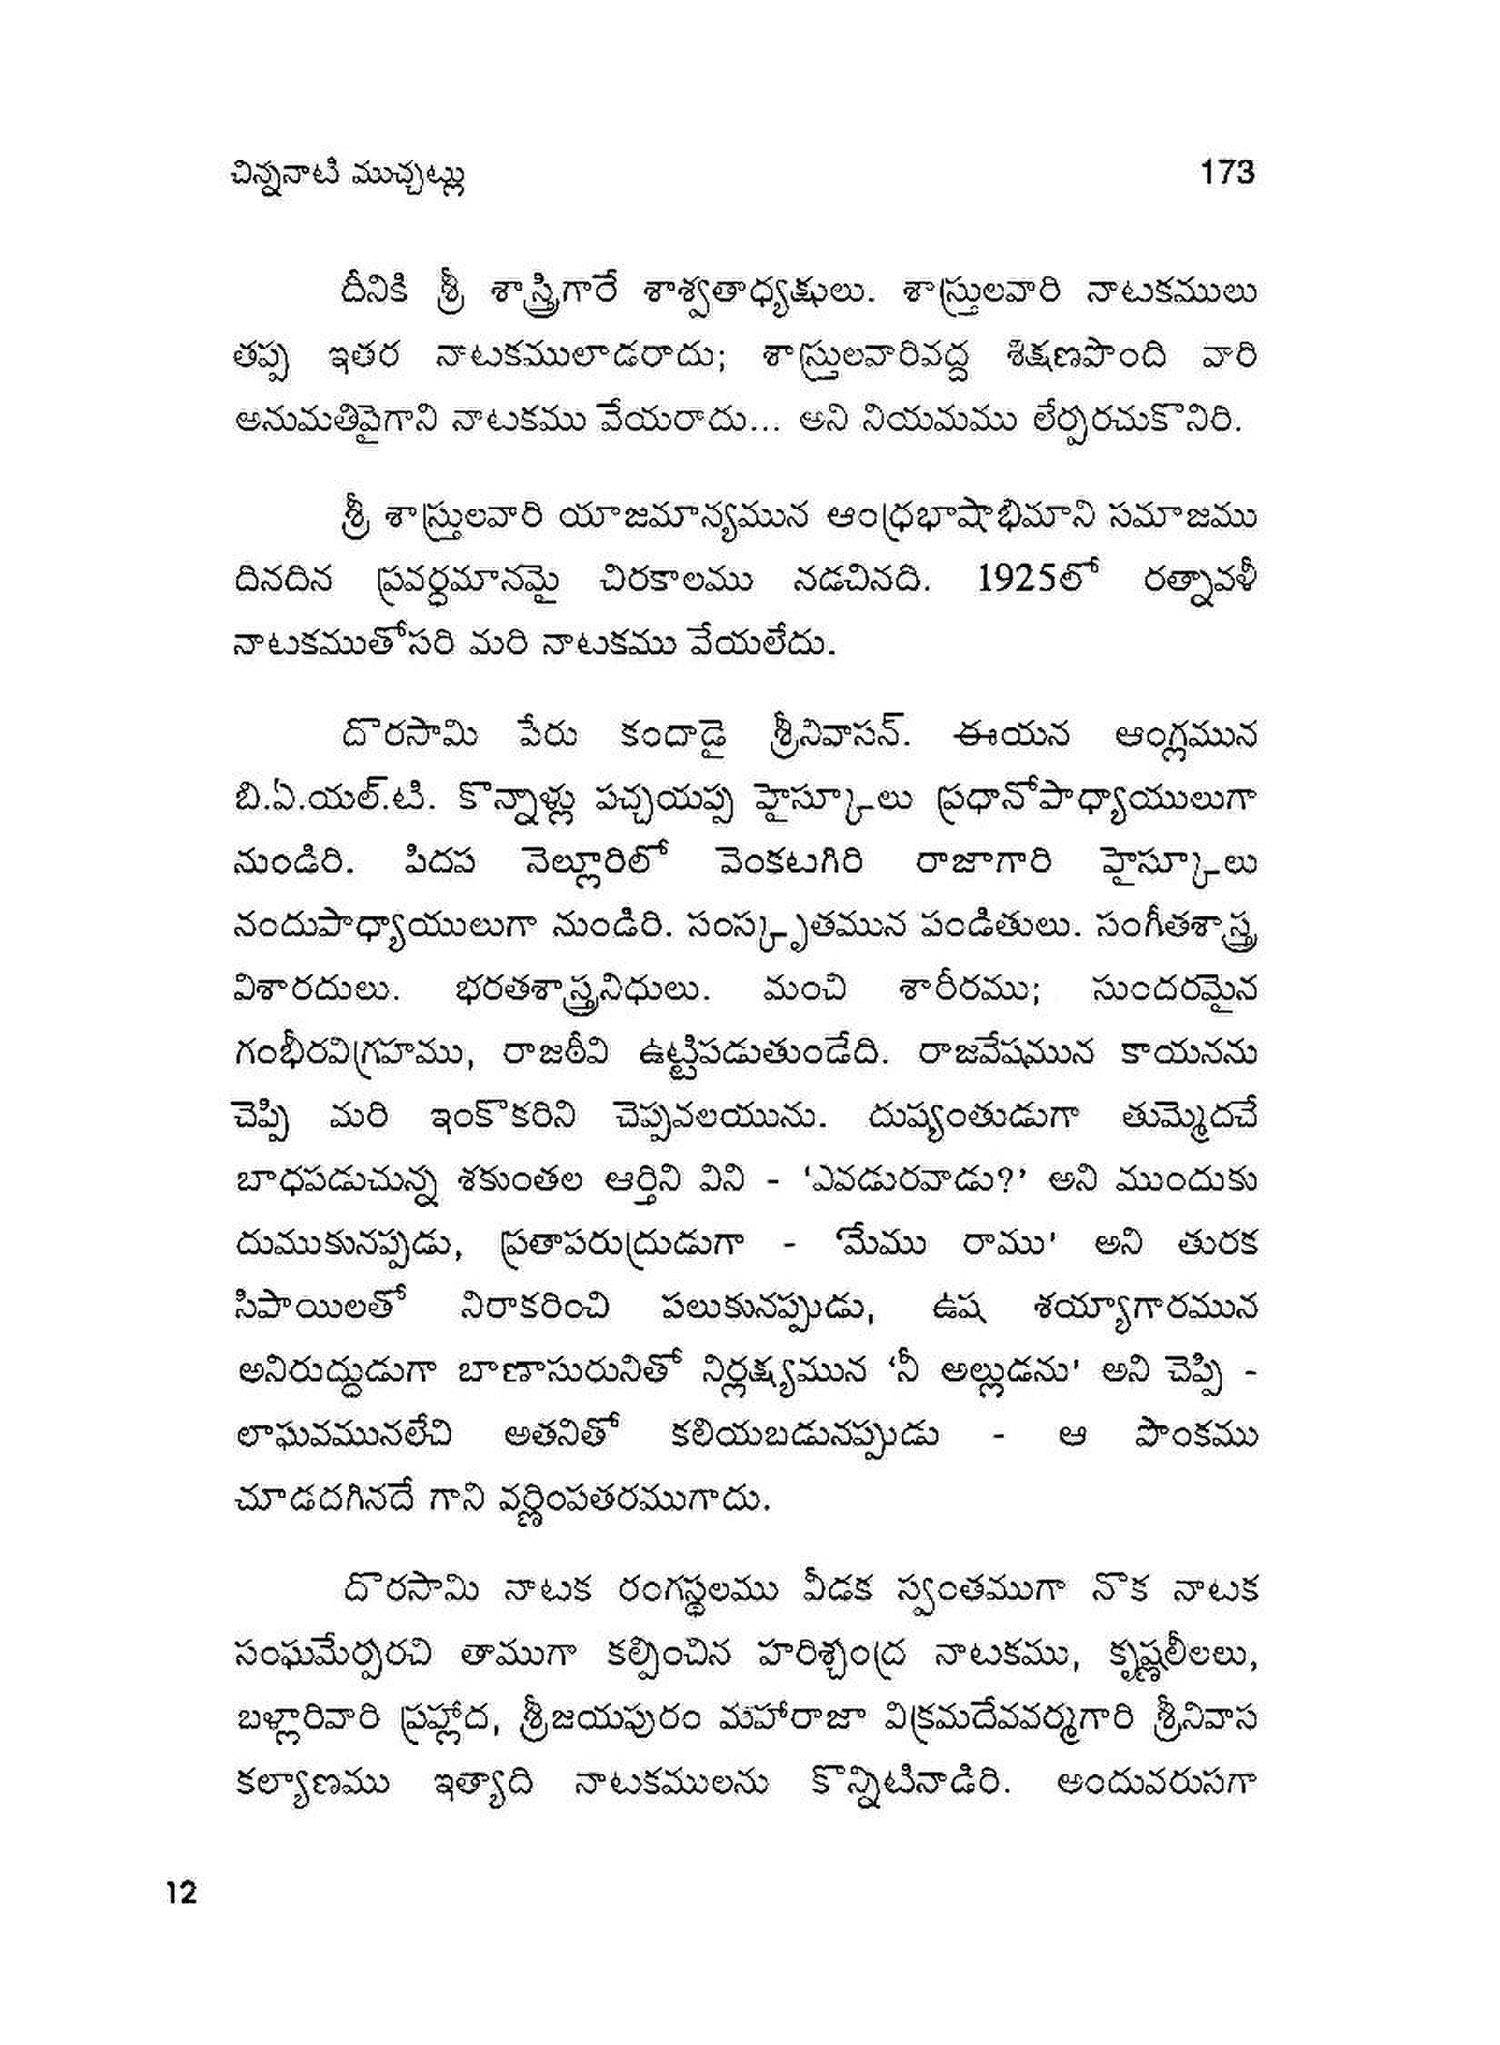దీనికి శ్రీ శాస్త్రిగారే శాశ్వతాధ్యక్షులు. శాస్త్రులవారి నాటకములు తప్ప ఇతర నాటకములాడరాదు; శాస్త్రులవారివద్ద శిక్షణపొంది వారి అనుమతిపైగాని నాటకము వేయరాదు... అని నియమము లేర్పరచుకొనిరి.

శ్రీ శాస్త్రులవారి యాజమాన్యమున ఆంధ్రభాషాభిమాని సమాజము దినదిన ప్రవర్థమానమై చిరకాలము నడచినది. 1925లో రత్నావళీ నాటకముతో సరి మరి నాటకము వేయలేదు.

దొరసామి పేరు కందాడై శ్రీనివాసన్. ఈయన ఆంగ్లమున బి.ఏ.యల్.టి. కొన్నాళ్లు పచ్చయప్ప హైస్కూలు ప్రధానోపాధ్యాయులుగా నుండిరి. పిదప నెల్లూరిలో వెంకటగిరి రాజాగారి హైస్కూలు నందుపాధ్యాయులుగా నుండిరి. సంస్కృతమున పండితులు. సంగీతశాస్త్ర విశారదులు. భరతశాస్త్రనిధులు. మంచి శారీరము; సుందరమైన గంభీరవిగ్రహము, రాజఠీవి ఉట్టిపడుతుండేది. రాజవేషమున కాయనను చెప్పి మరి ఇంకొకరిని చెప్పవలయును. దుష్యంతుడుగా తుమ్మెదచే బాధపడుచున్న శకుంతల ఆర్తిని విని - 'ఎవడురవాడు?' అని ముందుకు దుముకునప్పుడు, ప్రతాపరుద్రుడుగా - 'మేము రాము' అని తురక సిపాయిలతో నిరాకరించి పలుకునప్పడు, ఉష శయ్యాగారమున అనిరుద్దుడుగా బాణాసురునితో నిర్లక్ష్యమున 'నీ అల్లుడను' అని చెప్పి - లాఘవమునలేచి అతనితో కలియబడునప్పడు - ఆ పొంకము చూడదగినదే గాని వర్ణింపతరముగాదు.

దొరసామి నాటక రంగస్థలము వీడక స్వంతముగా నొక నాటక సంఘమేర్పరచి తాముగా కల్పించిన హరిశ్చంద్ర నాటకము, కృష్ణలీలలు, బళ్లారివారి ప్రహ్లాద, శ్రీజయపురం మహారాజా విక్రమదేవవర్మగారి శ్రీనివాస కల్యాణము ఇత్యాది నాటకములను కొన్నిటినాడిరి. అందువరుసగా